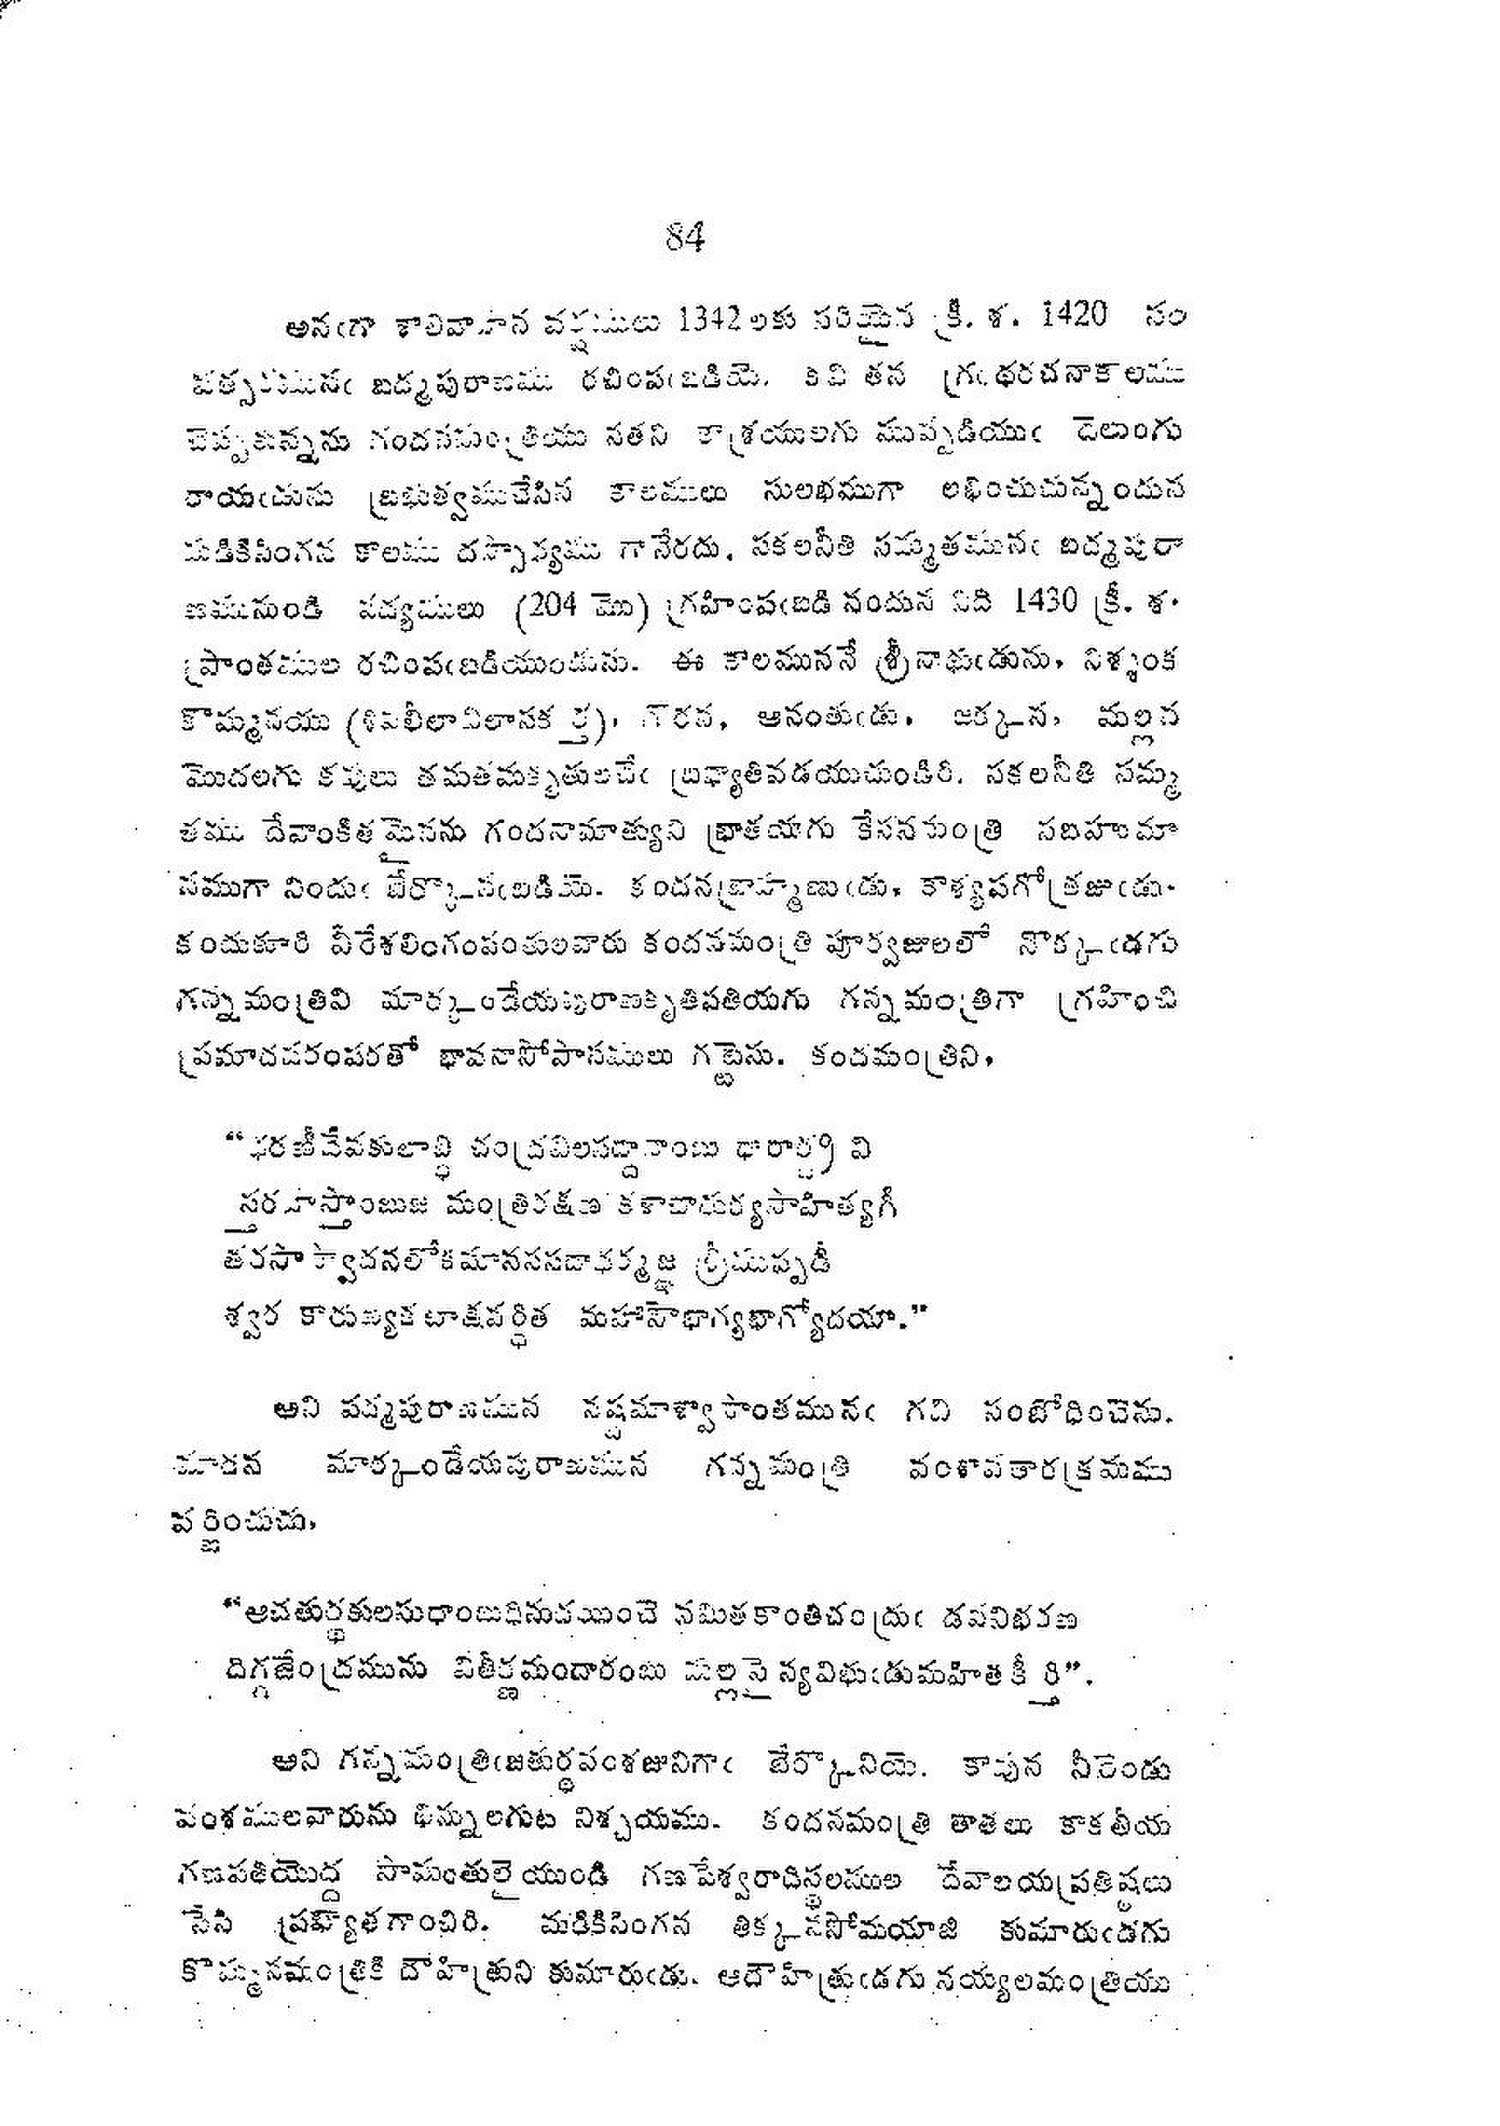అనఁగా శాలివాహన వర్షములు 1342 లకు సరియైన క్రీ.శ. 1420 సంవత్సరమునఁ బడ్మపురాణము రచింపబడియె. కవి తనగ్రంథరచనాకాలము చెప్పకున్నను గందనమంత్రియు నతని కాశ్రయులగు ముప్పడియుఁ డెలుంగురాయఁడును బ్రభుత్వము చేసిన కాలములు సులభముగా లభించుచున్నందున మడికి సింగన కాలము దుస్సాధ్యము గానేరదు. సకలనీతిసమ్మతమునఁ బద్మపురాణమునుండి పద్యములు (204 మొ) గ్రహింపఁబడినందున ఇది 1430 క్రీ. శ. ప్రాంతముల రచింపఁబడియుండును. ఈకాలముననే శ్రీనాథుఁడును, నిశ్శంక కొమ్మనయు (శివలీలావిలాసకర్త), గౌరన, అనంతుఁడు. జక్కన, మల్లన మొదలగు కవులు తమతమకృతులచేఁ బ్రఖ్యాతివడయుచుండిరి. సకలనీతిసమ్మతము దేవాంకిత మైనను గందనామాత్యుని భ్రాతయగు కేసనమంత్రి సబహుమానముగా నిందుఁ బేర్కొనబడియె. కంచన బ్రాహ్మణుఁడు, కాశ్యపగోత్రజుఁడు. కందుకూరి వీరేశలింగం పంతులవారు కందనమంత్రి పూర్వజులలో నొక్కఁడగు గన్నమంత్రిని మార్కండేయపురాణకృతిపతియగు గన్నమంత్రిగా గ్రహించి ప్రమాదపరంపరతో భావనాసోపానములు గట్టెను. కందమంత్రిని,

అని పద్మపురాణమున నష్టమాశ్వాసాంతమునఁ గవి సంబోధించెను. మారన మార్కండేయపురాణమున గన్నమంత్రి వంశావతారక్రమము వర్ణించుచు,

అని గన్నమంత్రిఁ జతుర్థవంశజునిగాఁ బేర్కొనియె. కావున నీరెండువంశములవారును భిన్ను లగుట నిశ్చయము. కందనమంత్రి తాతలు కాకతీయగణపతియొద్ద సామంతులై యుండి గణపేశ్వరాదిస్థలముల దేవాలయప్రతిష్ఠలు సేసి ప్రఖ్యాతి గాంచిరి. మడికి సింగన తిక్కనసోమయాజి కుమారుఁడగు కొమ్మనమంత్రికి దౌహిత్రుని కుమారుఁడు. ఆదౌహిత్రుఁడగు నయ్యలమంత్రియు